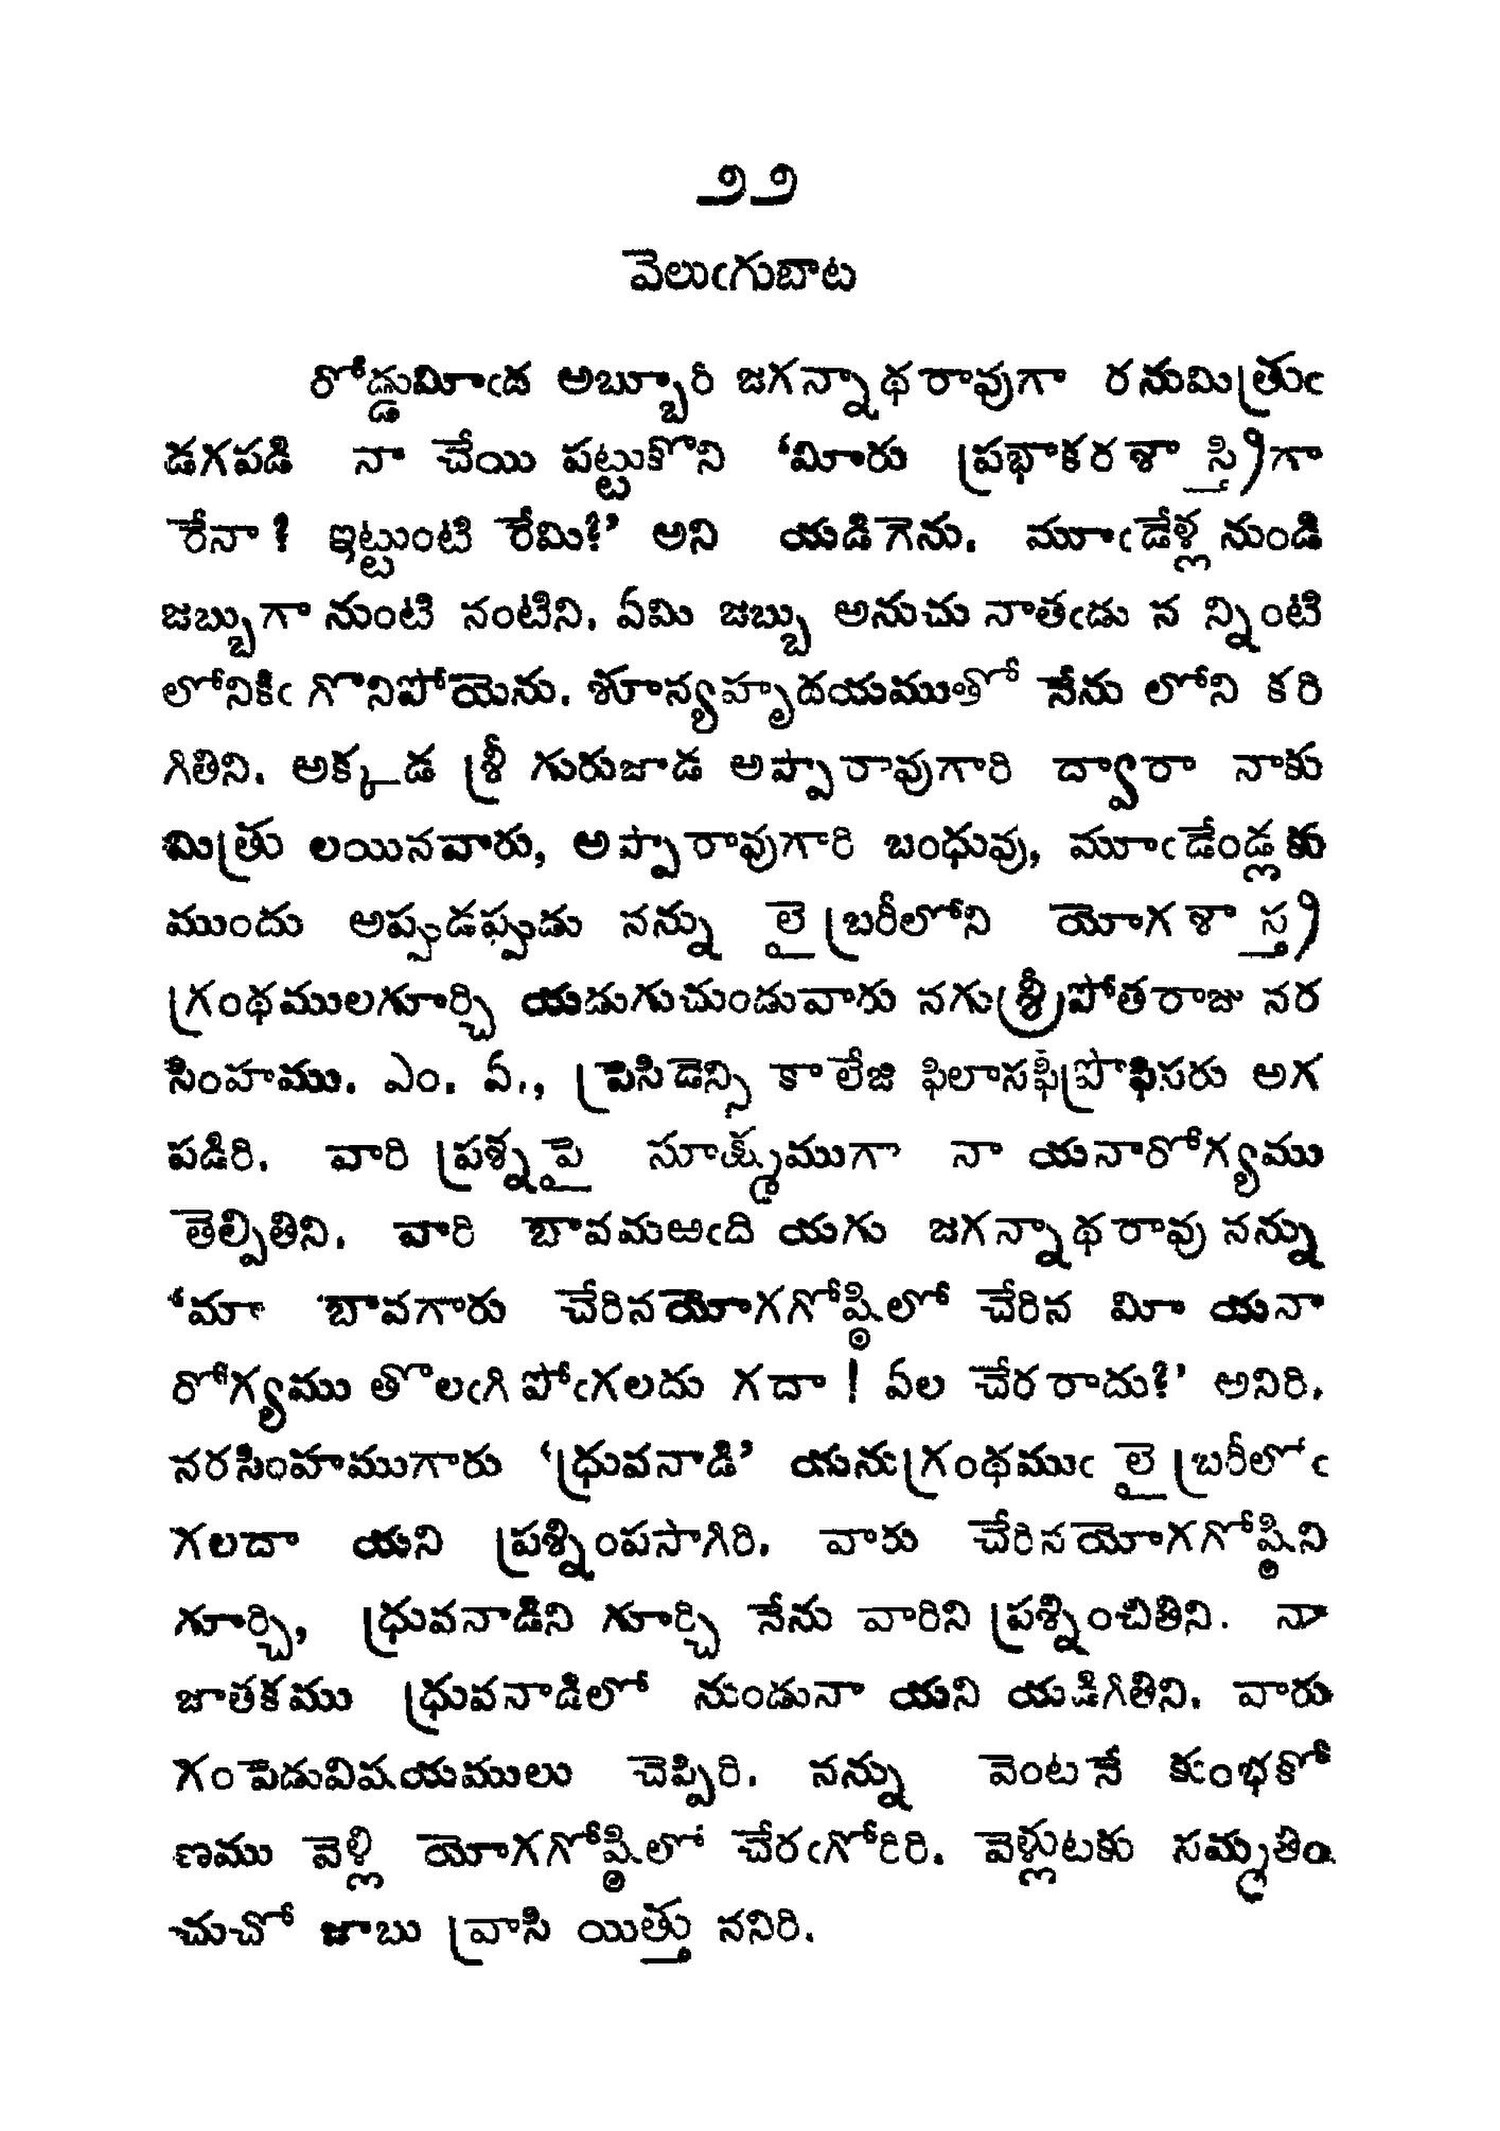రోడ్డుమిఁద అబ్బూరి జగన్నాధరావుగా రను మిత్రుఁడగపడి నా చేయి పట్టుకొని 'మిరు ప్రభాకర శాస్త్రిగా రేనా?ఇట్టుంటి రేమి?'అని యడిగెను. మూఁడేళ్ళనుండి జబ్బుగా నుంటి నంటిని. ఏమి జబ్బు అనుచు నాతఁడు నన్నింటిలోనికిఁ గొనిపోయెను. శూన్యహృదయముతో నేను లోని కరిగితిని. అక్కడ శ్రీ గురజాడ అప్పారావు గారి ద్వారా నాకు మిత్రు లయిన వారు, అప్పారావు గారి బంధువు, మూఁడేండ్లకు ముందు అప్పుడప్పుడు నన్ను లైబ్రరీలోని యోగ శాస్త్ర గ్రంధముల గూర్చి యడుగుచుండు వారు నగు శ్రీ పోతు రాజు నరసింహము. ఎం.ఏ.'ప్రెసిడెన్సి కాలేజి ఫిలాసఫీ ప్రోఫిసరు ఆగపడిరి. వారి ప్రశ్నపై సూక్ష్మముగా నా యానారోగ్యము తెల్పితిని. వారి బావమఱఁది యగుజగన్నాధరావు నన్ను 'మా బావగారు చేరిన యోగ గోష్ఠిలో చేరిన మి యనారోగ్యము తొలఁ గిపోఁ గలదు గదా! ఏల చేరరాదు? 'అనిరి.నరసింహము గారు 'ధ్రువనాడి గూర్చి నేను వారిని ప్రశ్నించితిని. నా జాతకము ధ్రువనాడిలో నుండునా యని యడిగితిని. వారు గంపెడు విషయములు చెప్పిరి. నన్ను వెంటనే కుంభకోణము వెళ్ళి యోగ గోష్ఠిలో చేరఁగోరిరి. వెళ్ళుటకు సమ్మతించుచో జాబు యిత్తు ననిరి.